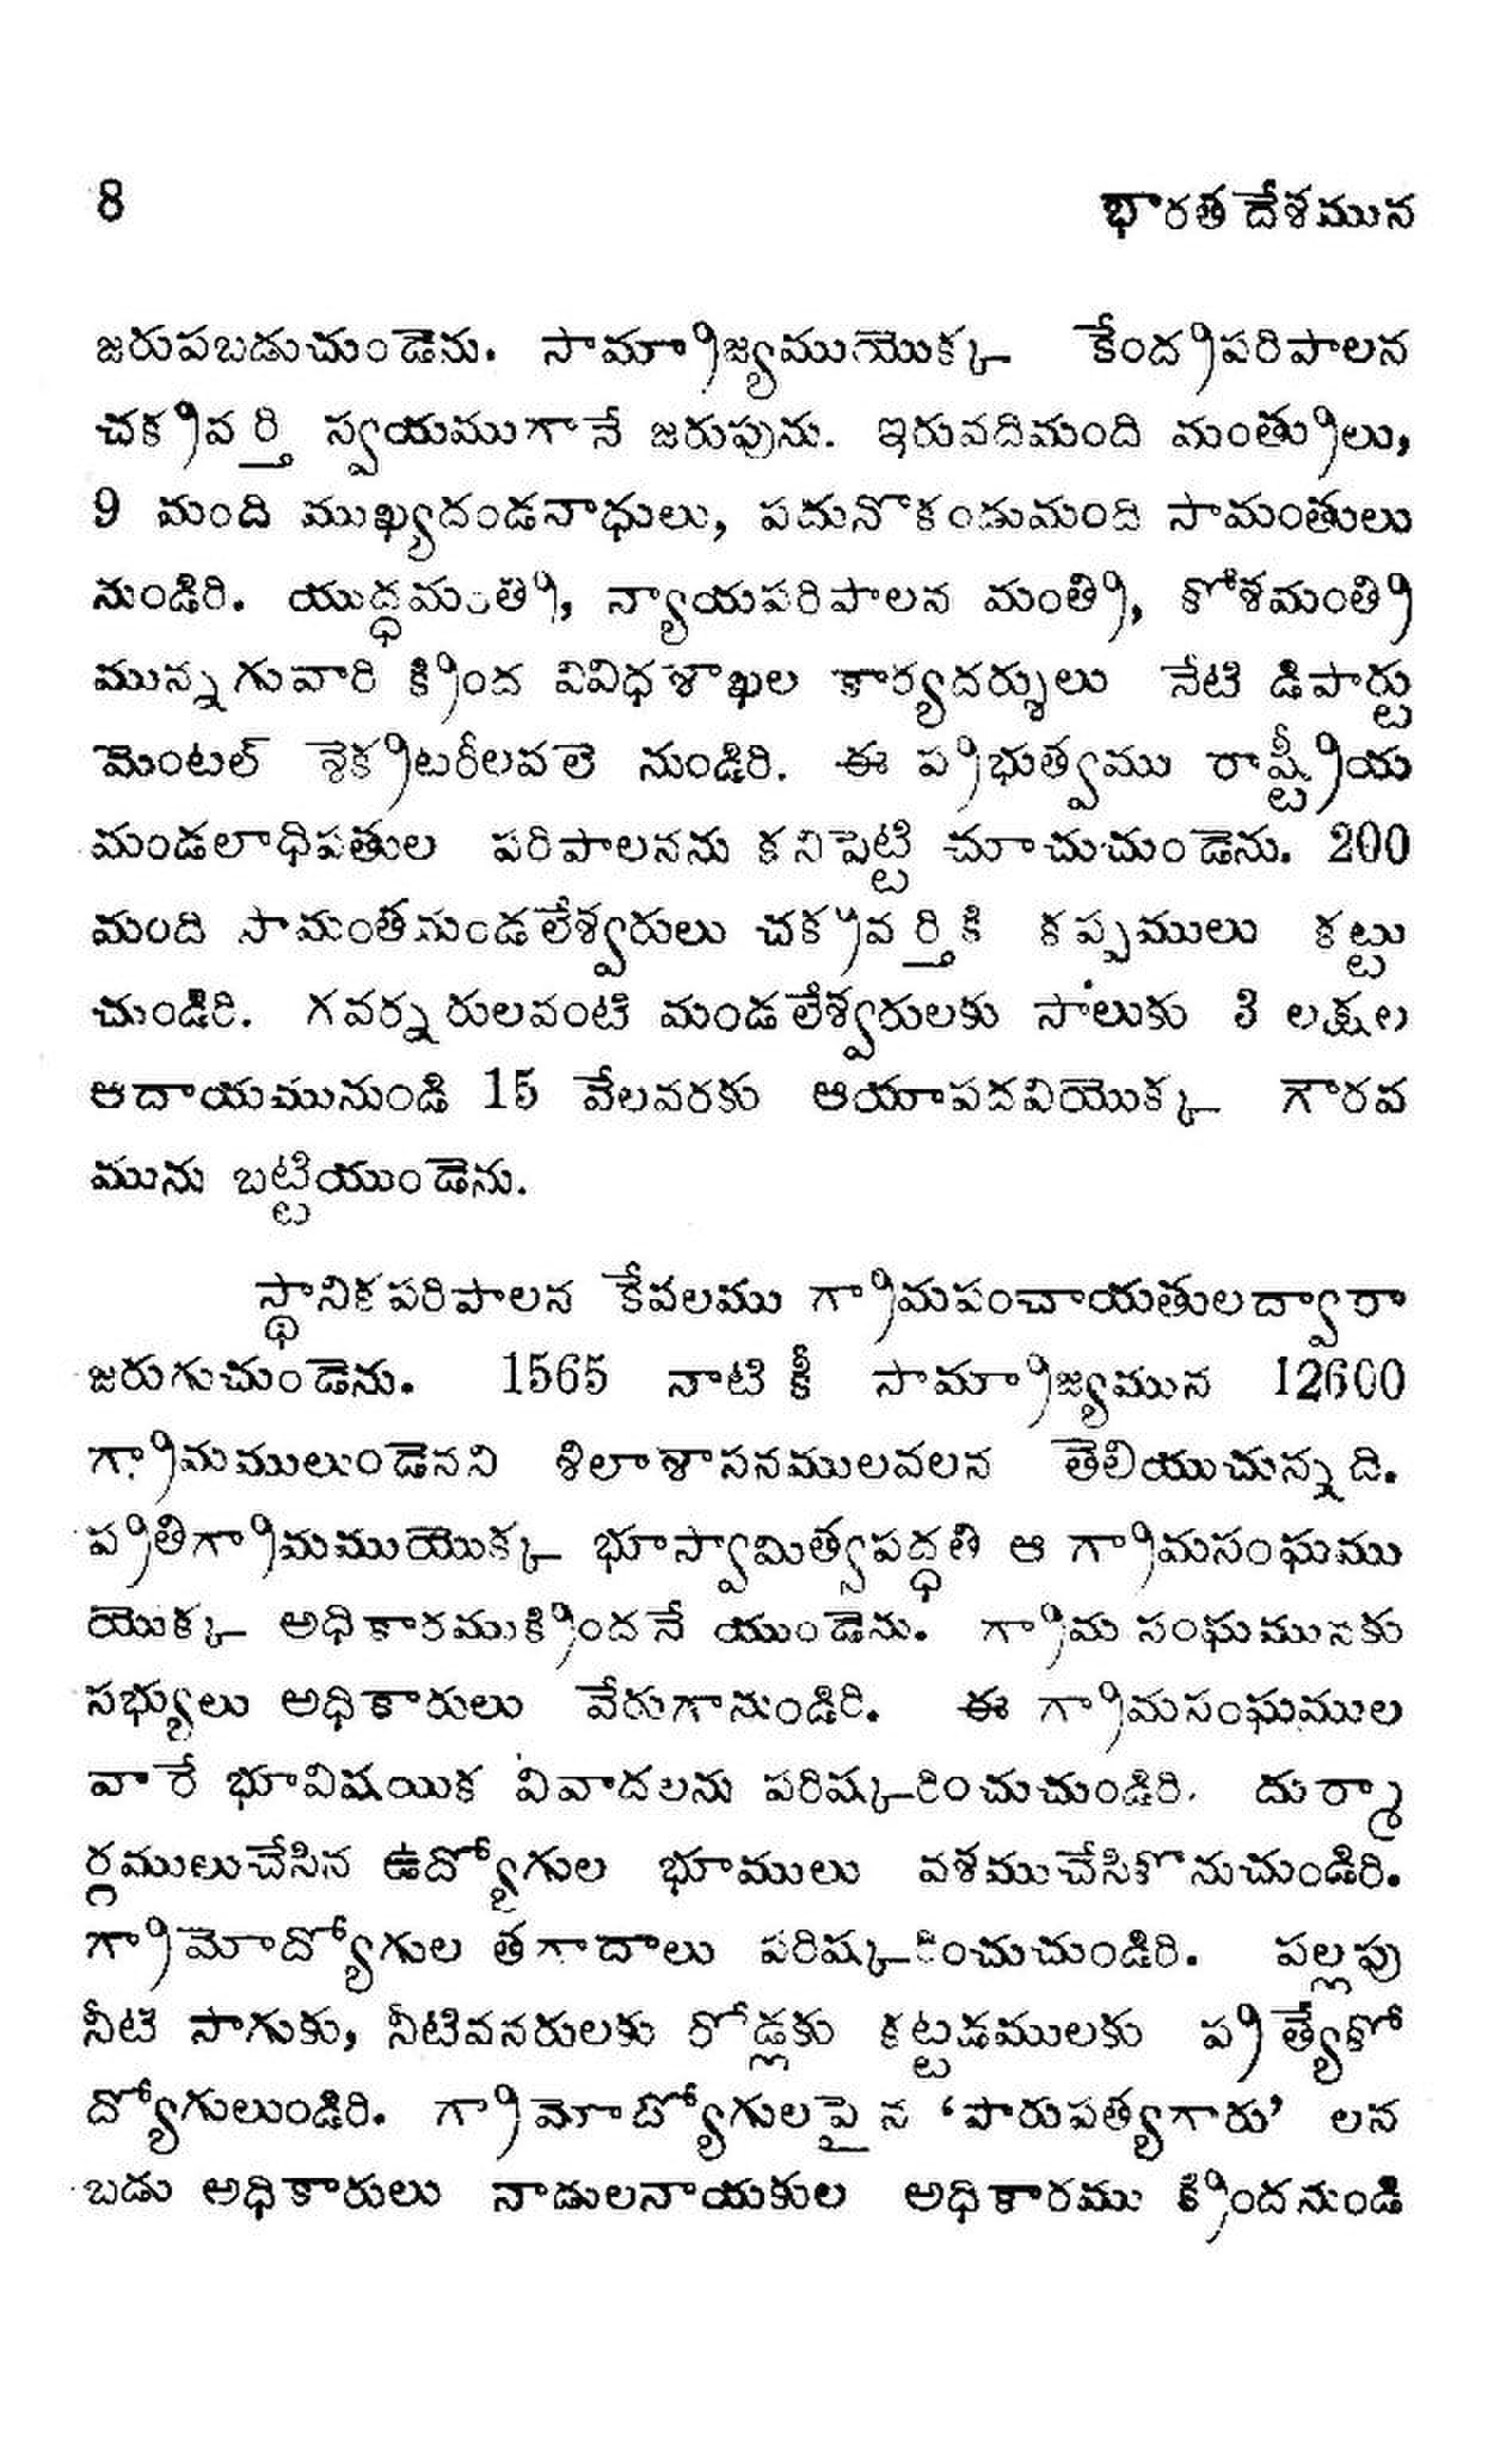జరుపబడుచుండెను. సామ్రాజ్యముయొక్క కేంద్రపరిపాలన చక్రవర్తి స్వయముగానే జరుపును. ఇరువదిమంది మంత్రులు, 9 మంది ముఖ్యదండనాధులు, పదునొకండుమంది సామంతులు నుండిరి. యుద్ధమంత్రి, న్యాయపరిపాలన మంత్రి, కోశమంత్రి మున్నగువారి క్రింద వివిధశాఖల కార్యదర్శులు నేటి డిపార్టుమెంటల్ శెక్రటరీలవలే నుండిరి. ఈ ప్రభుత్వము రాష్ట్రీయ మండలాధిపతుల పరిపాలనను కని పెట్టి చూచుచుండెను. 200 మంది సామంతమండలేశ్వరులు చక్రవర్తికి కప్పములు కట్టుచుండిరి. గవర్నరులవంటి మండలేశ్వరులకు సాలుకు 3 లక్షలు ఆదాయమునుండి 15 వేలవరకు ఆయాపదవియొక్క గౌరవమును బట్టియుండెను.

స్థానికపరిపాలన కేవలము గ్రామపంచాయతులద్వారా జరుగుచుండెను. 1565 నాటికీ సామ్రాజ్యమున 12600 గామములుండెనని శిలాశాసనములవలన తెలియుచున్నది. ప్రతిగ్రామము యొక్క భూస్వామిత్వపద్ధతి ఆ గ్రామసంఘముయొక్క అధికారముక్రిందనే యుండెను. గ్రామ సంఘముసకు సభ్యులు అధికారులు వేరుగానుండిరి. ఈ గామసంఘముల వారే భూవిషయిక వివాదలను పరిష్కరించుచుండిరి. దుర్మార్గములు చేసిన ఉద్యోగుల భూములు వశముచేసికొనుచుండిరి. గ్రామోద్యోగుల తగాదాలు పరిష్కంచుచుండిరి. పల్లపునీటి సాగుకు, నీటివనరులకు రోడ్లకు కట్టడములకు ప్రత్యేకోద్యోగులుండిరి. గ్రామోద్యోగులపైన 'పారుపత్యగారు' లనబడు అధికారులు నాడులనాయకుల అధికారము క్రిందనుండి